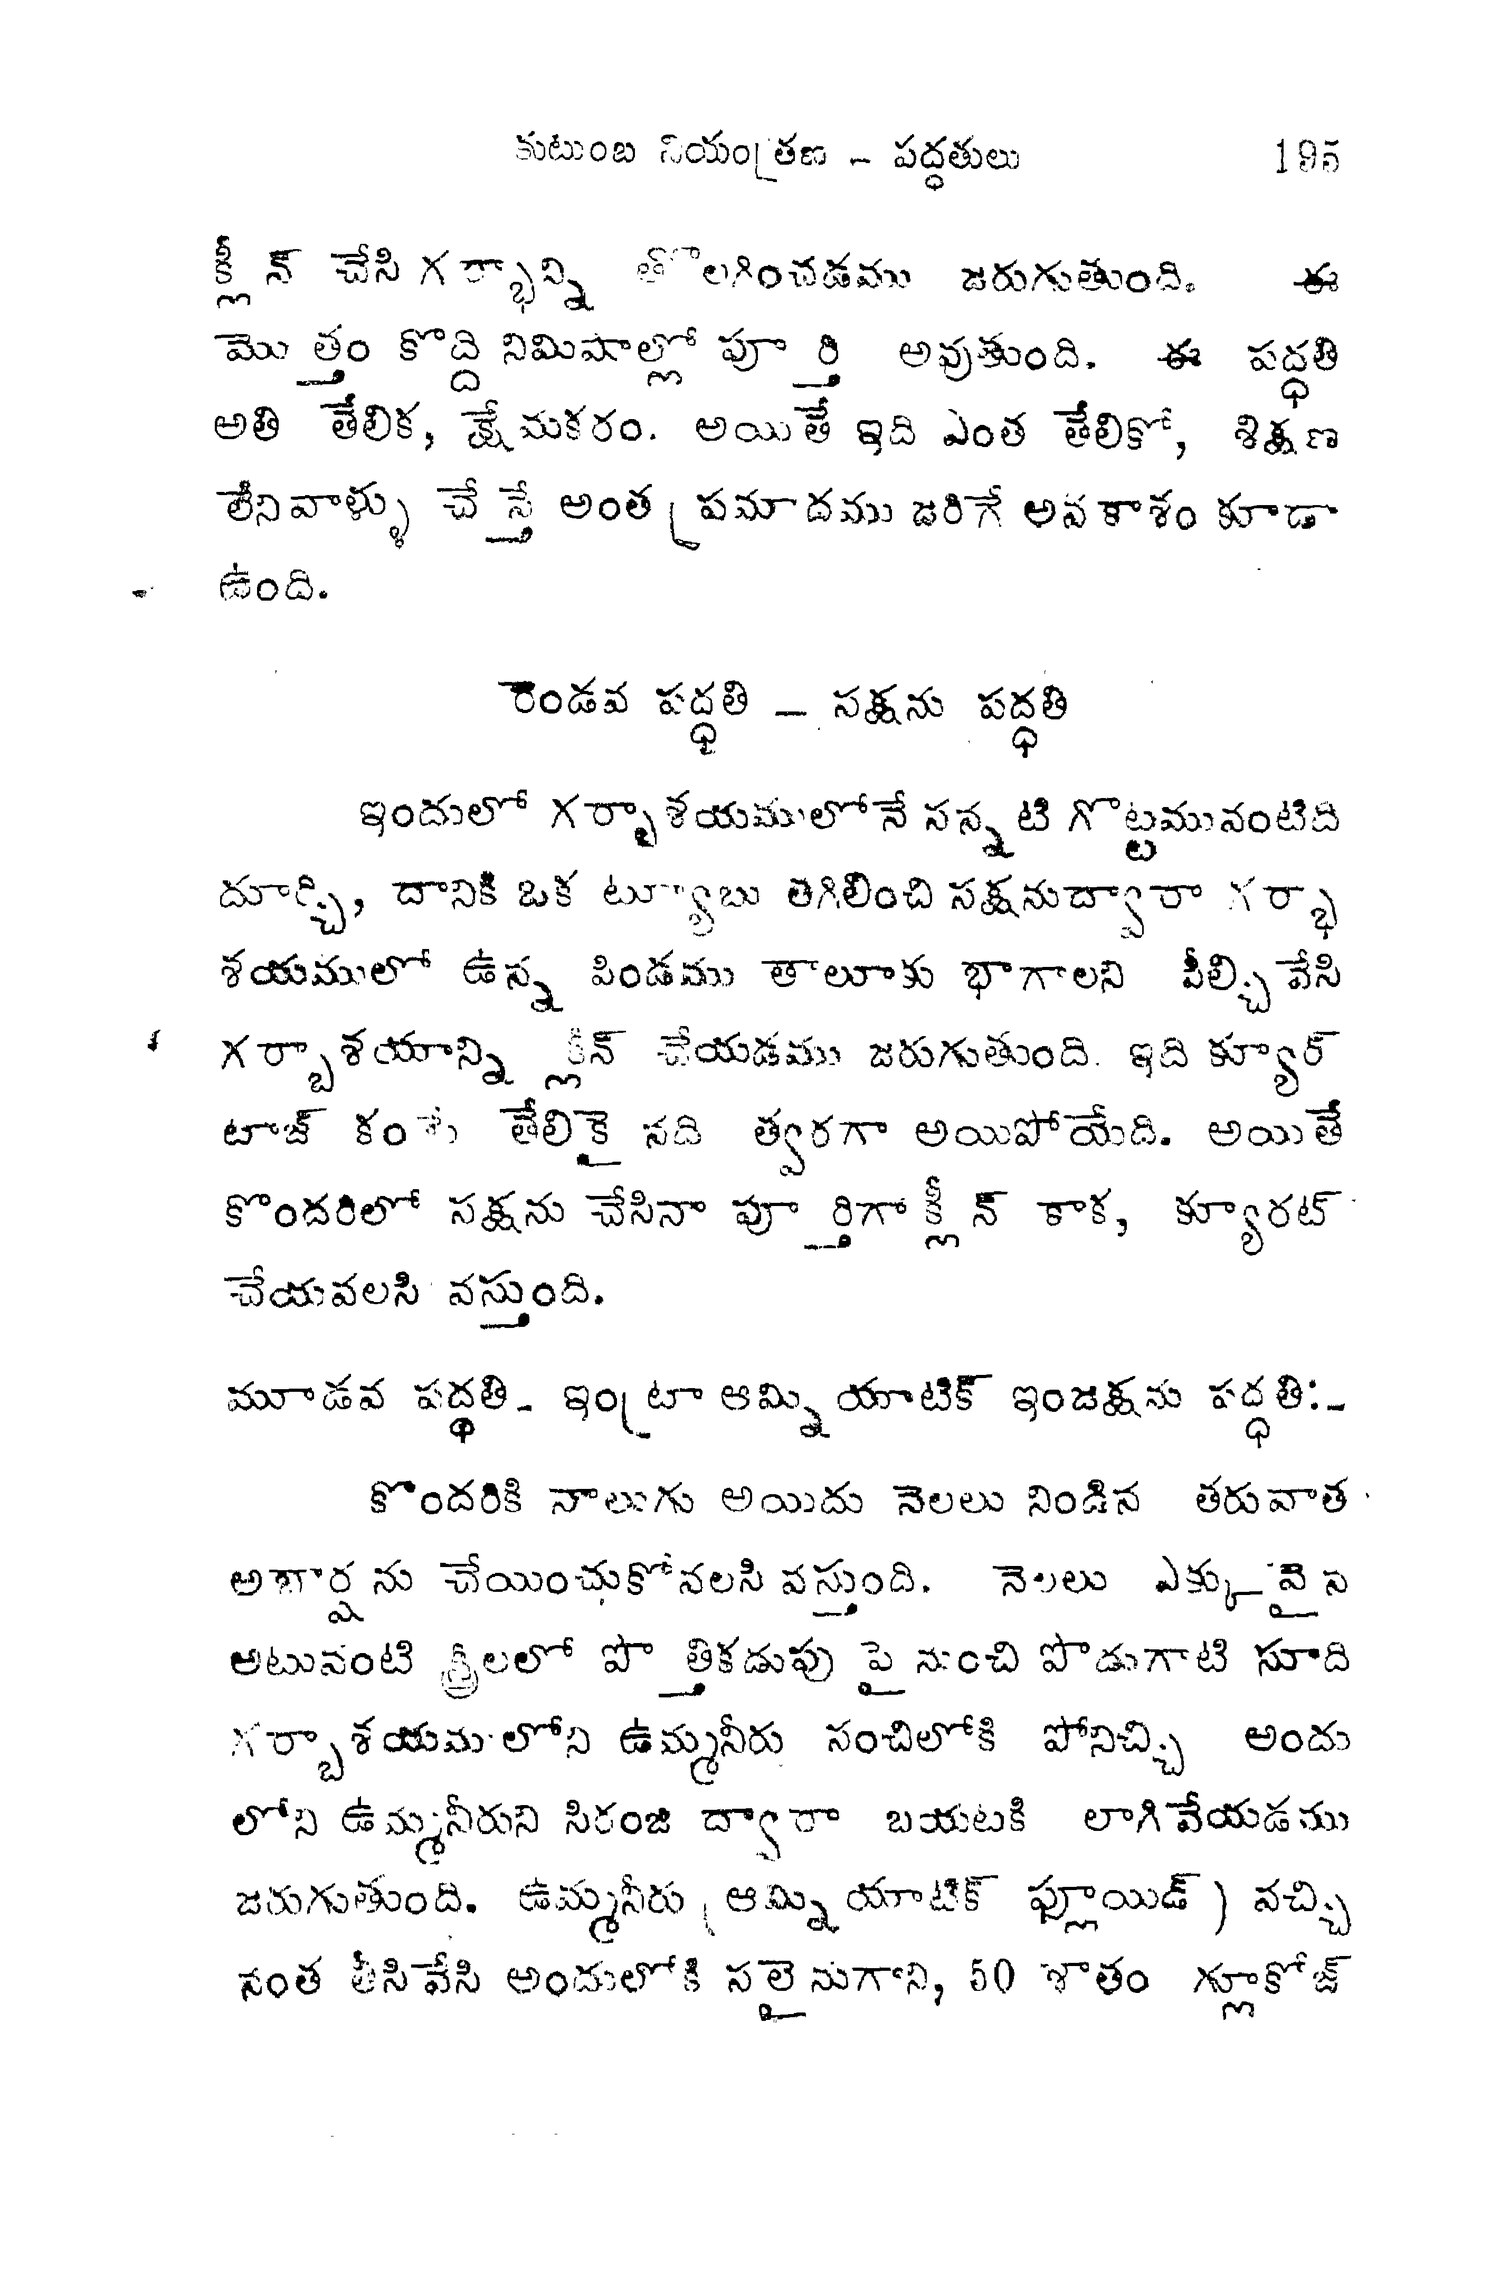క్లీన్ చేసి గర్భాన్ని తొలగించడము జరుగుతుంది. ఈ మొత్తం కొద్ది నిమిషాల్లో పూర్తి అవుతుంది. ఈ పద్దతి అతి తేలిక, క్షేమకరం అయితే ఇది ఎంత తేలికో, శిక్షణ లేనివాళ్ళు చేస్తే అంత ప్రమాదము జరిగే అవకాశం కూడా ఉంది.

ఇందులో గర్భాశయములోనే సన్నటి గొట్టమువంటిది దూర్చి, దానికి ఒక ట్యూబు తగిలించి సక్షనుద్వారా గర్భాశయములో ఉన్న పిండము తాలూకు భాగాలను పీల్చివేసి గర్భాశయాన్ని క్లీన్ చేయడము జరుగుతుంది. ఇది క్యూర్ టాజ్ కంటే తేలికైనది త్వరగా అయిపోతుంది. అయితే కొందరిలో సక్షను చేసినా పూర్తిగా క్లీన్ కాక, క్యూరట్ చేయవలసి వస్తుంది.

మూడవ పద్ధతి- ఇంట్రా ఆమ్ని యాటిక్ ఇంజక్షను పద్ధతి:-

కొందరికి నాలుగు అయిదు నెలలు నిండిన తరువాత అబార్షను చేయించుకోవలసి వస్తుంది. నెలలు ఎక్కువైన అటువంటి స్త్రీలలో పొత్తికడుపు పైనుంచి పొడుగాటి సూది గర్భాశయములోని ఉమ్మనీరు సంచిలోకి పోనిచ్చి అందులోని ఉమ్మనీరుని సిరంజి ద్వారా బయటికి లాగివేయడము జరుగుతుంది. ఉమ్మనీరు (అమ్ని యాటిక్ ఫ్లూయిడ్) వచ్చినంత తీసివేసి అందులోకి సలైనుగాని, 50 శాతం గ్లూకోజ్